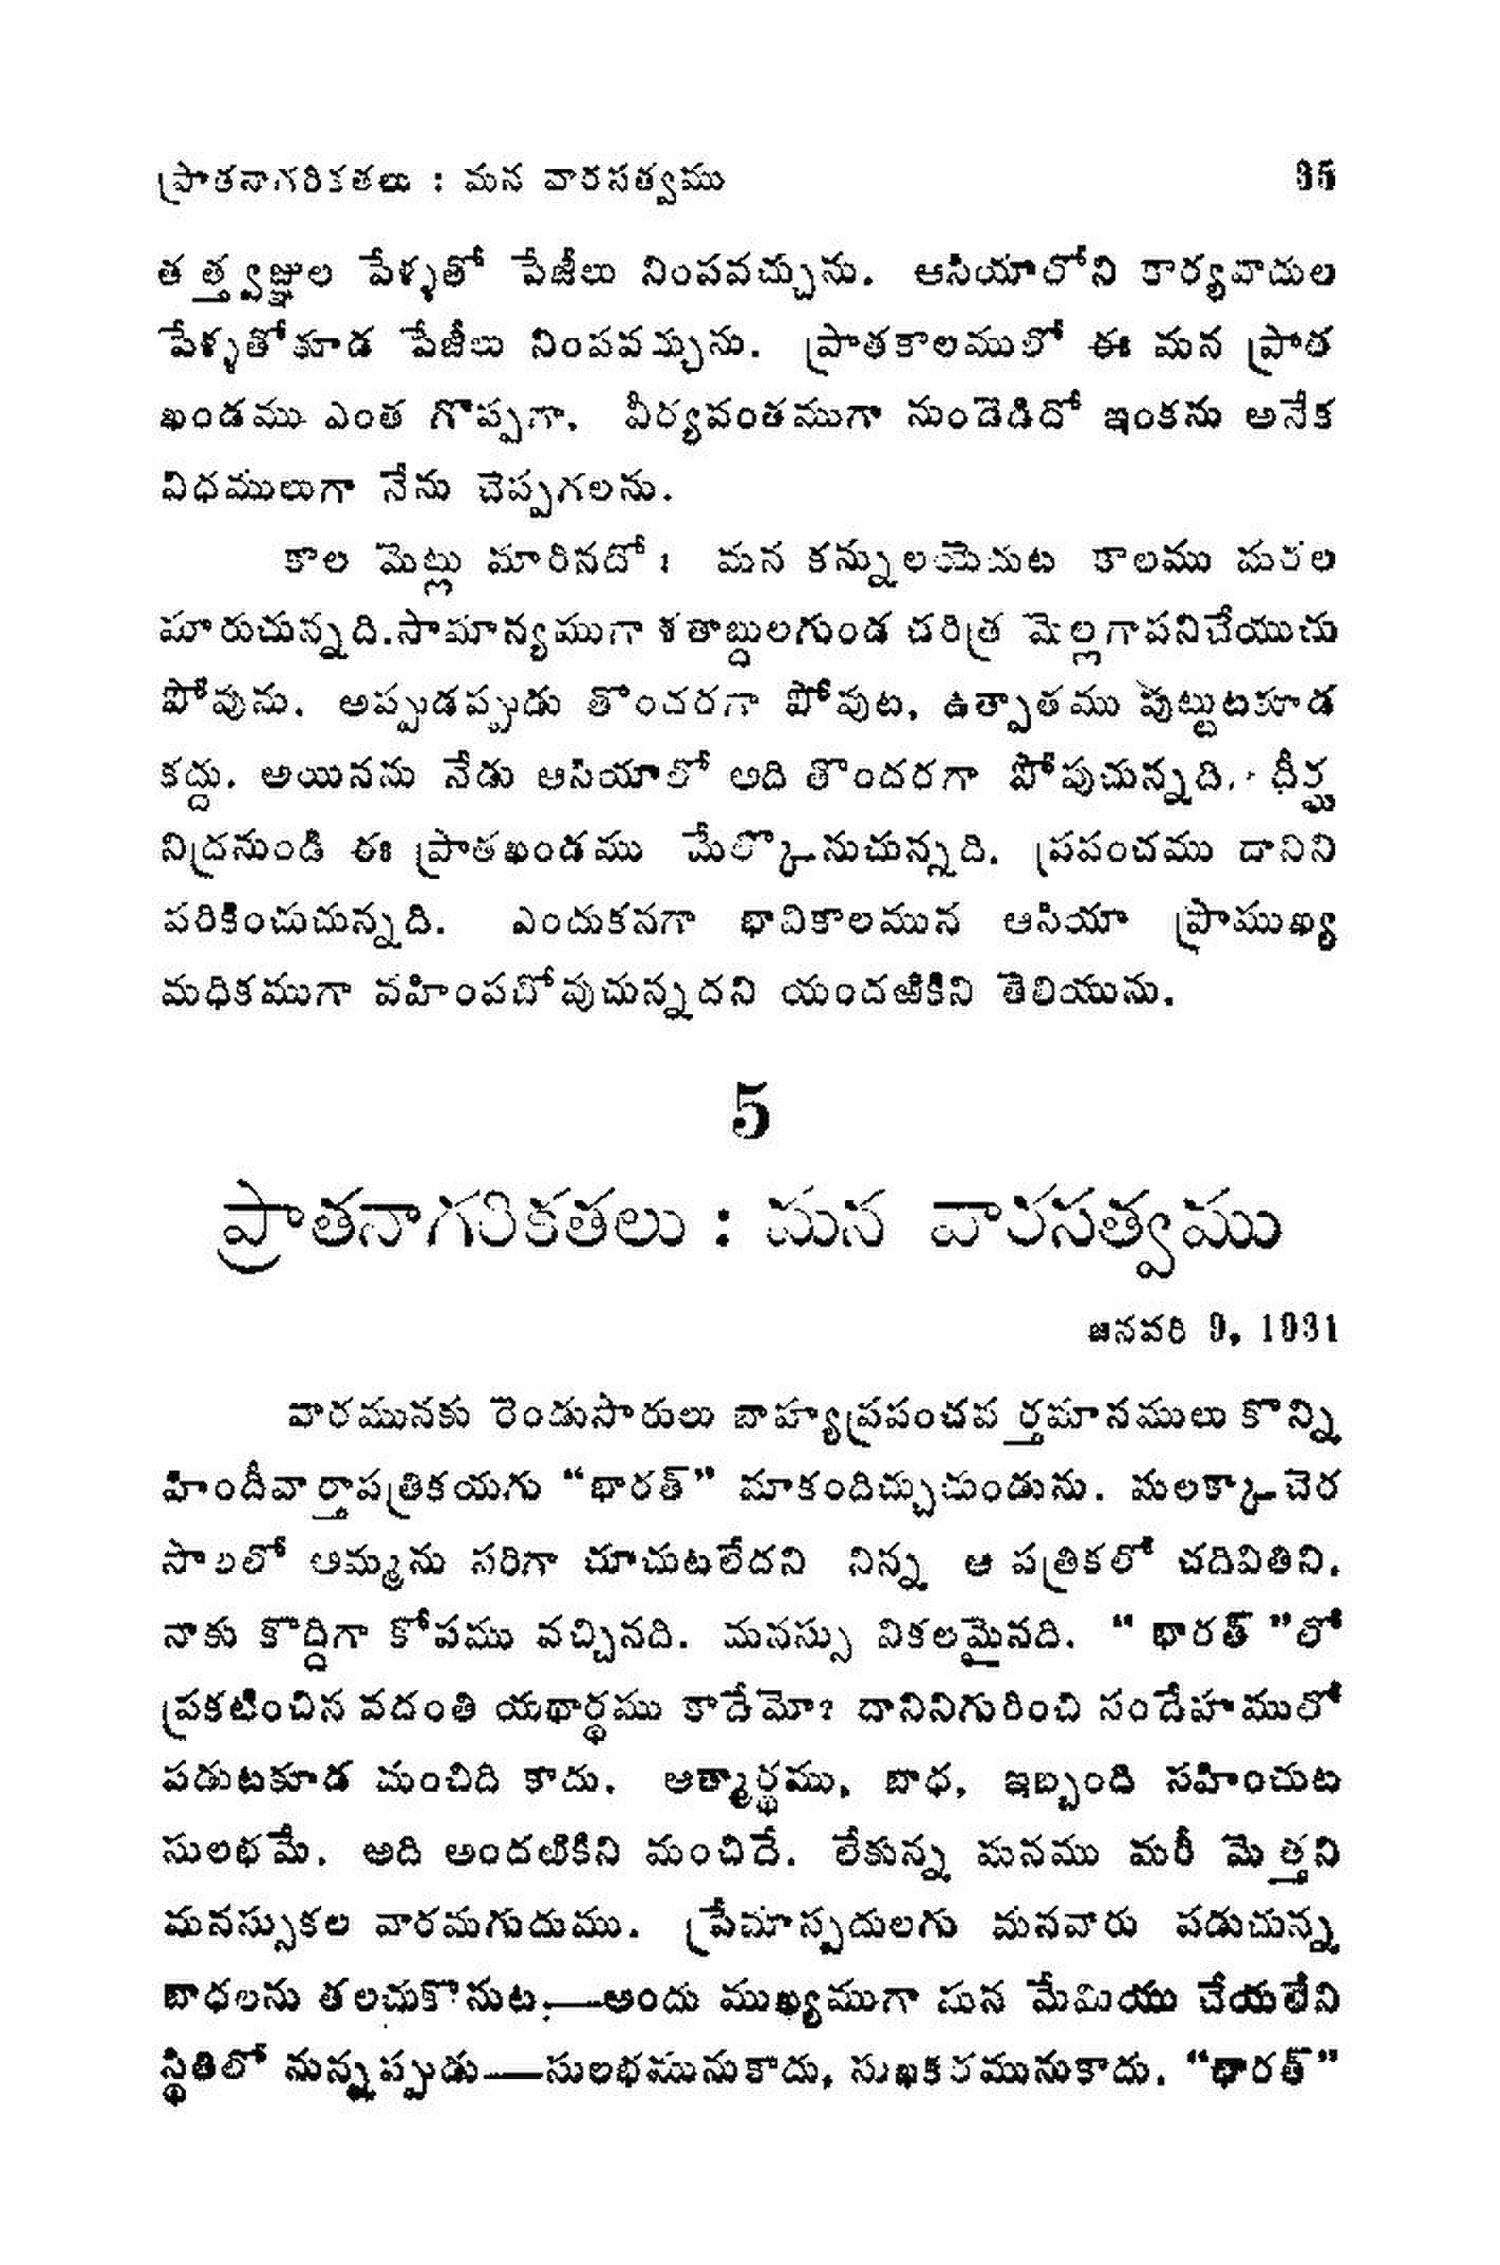తత్త్వజ్ఞుల పేళ్ళతో పేజీలు నింపవచ్చును. ఆసియాలోని కార్యవాదుల పేళ్ళతోకూడ పేజీలు నింపవచ్చును. ప్రాతకాలములో ఈ మన ప్రాతఖండము ఎంత గొప్పగా, వీర్యవంతముగా నుండెడిదో ఇంకను అనేక విధములుగా నేను చెప్పగలను.

కాల మెట్లు మారినదో ! మన కన్నులయెదుట కాలము మరల మారుచున్నది. సామాన్యముగా శతాబ్దులగుండ చరిత్ర మెల్లగాపనిచేయుచు పోవును. అప్పుడప్పుడు తొందరగా పోవుట, ఉత్పాతము పుట్టుటకూడ కద్దు. అయినను నేడు ఆసియాలో అది తొందరగా పోపుచున్నది. - ధీర్ఘ నిద్రనుండి ఈ ప్రాతఖండము మేల్కొనుచున్నది. ప్రపంచము దానిని పరికించుచున్నది. ఎందుకనగా భావికాలమున ఆసియా ప్రాముఖ్య మధికముగా వహింపబోవుచున్నదని యందఱికిని తెలియును,

5
ప్రాతనాగరికతలు : మన వారసత్వము

వారమునకు రెండుసారులు బాహ్యప్రపంచవర్తమాసములు కొన్ని హిందీవార్తాపత్రికయగు “భారత్" మాకందిచ్చుచుండును. మలక్కా చెరసాలలో అమ్మను సరిగా చూచుటలేదని నిన్న ఆ పత్రికలో చదివితిని. నాకు కొద్దిగా కోపము వచ్చినది. మనస్సు వికలమైనది. " భారత్ "లో ప్రకటించిన వదంతి యథార్థము కాదేమో? దానినిగురించి సందేహములో పడుటకూడ మంచిది కాదు. ఆత్మార్థము, బాధ, ఇబ్బంది సహించుట సులభమే. అది అందఱికిని మంచిదే. లేకున్న మనము మరీ మెత్తని మనస్సుకల వారమగుదుము. ప్రేమాస్పదులగు మనవారు పడుచున్న బాధలను తలచుకొనుట - అందు ముఖ్యముగా మన మేమియు చేయలేని స్థితిలో నున్నప్పుడు సులభమునుకాదు, సుఖకరమునుకాదు. “భారత్"